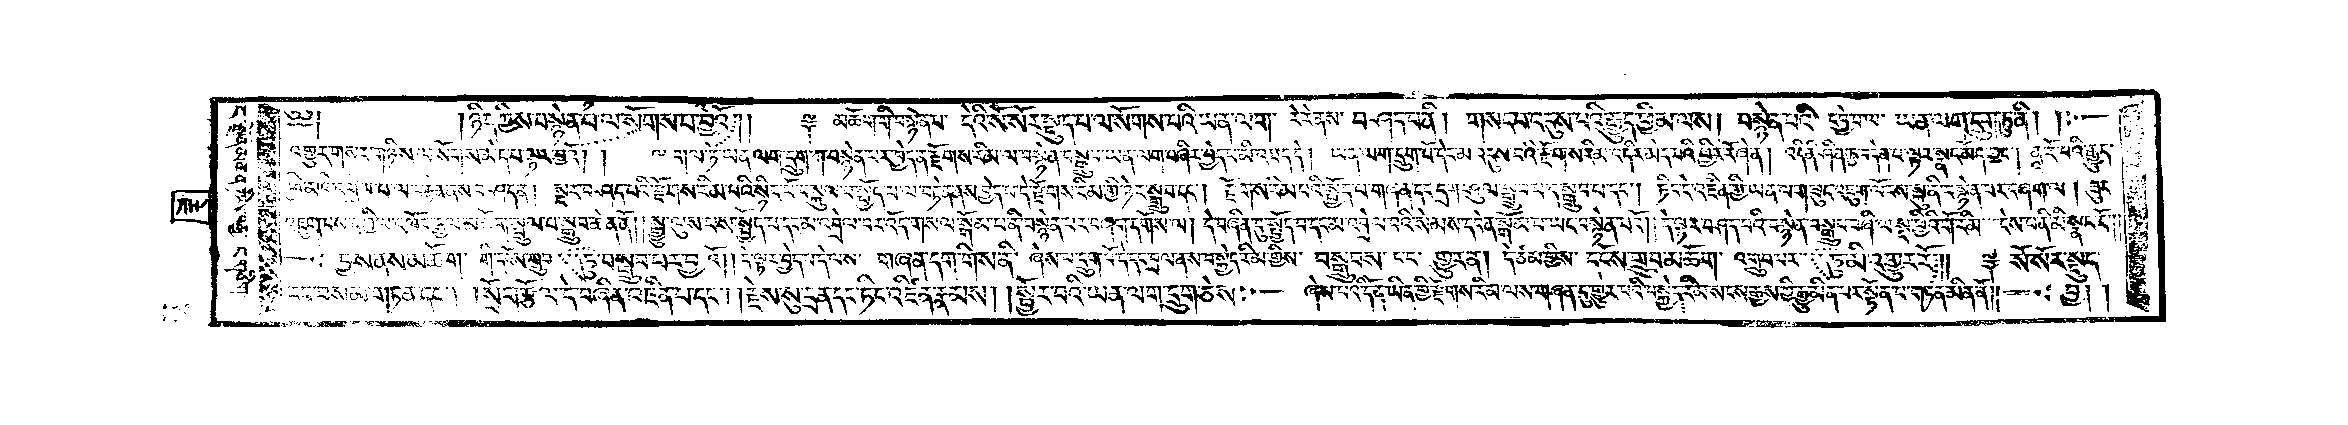༄༅། །ཉིད་ཀྱིས་བསྙེན ༡་པ་ལ་སོགས་པ ༢་བྱའོ།། ༈ མཆོག་གི་བསྙེན་པ་དེའི་སོ་སོར་སྡུད་པ་ལ་སོགས་པའི་ཡན་ལག་རེ་རེ་ནས་བཤད་པ་ནི། གསང་བ་འདུས་པའི་རྒྱུད་ཕྱི་མ་ལས། བསྙེན་པའི་དབྱེ་བ་ལ་ཡན་ལག་དྲུག་ཏུ་ནི། །H.
འགྱུར་གསར་གཉིས་ལ་སོགས་མེད་པ་ལྟར་བྱའོ། ། ༧གལ་ཏེ་ཡན་ལག་དྲུག་ཀ་བསྙེན་པར་བྱེད་ན་རྫོགས་རིམ་ལ་བསྙེན་བསྒྲུབ་ཡན་ལག་བཞིར་བྱེད་པ་མི་འཐད་དེ། ཡན་ལག་དྲུག་པོ་དེར་མ་འདུས་པའི་རྫོགས་རིམ་འདིར་མེད་པའི་ཕྱིར་རོ་ཞེ་ན། འདི་ནི་ཤིན་ཏུ་བདེན་པ་ལྟར་སྣང་མོད་ཀྱང་། ནཱ་རོ་པའི་རྒྱུད་
ཕྱི་མའི་འགྲེལ་པ་ལ་བརྟེན་ནས་བཤད་ན། སྔར་བཤད་པའི་རྫོགས་རིམ་པའི་སྙིང་པོ་བསྐུལ་བ་སྤྱོད་པ་ལ་བརྟེན་ནས་བྱེད་པ་དེ་རྫོགས་རིམ་གྱི་ཉེར་སྒྲུབ་དང་། རྫོགས་རིམ་པའི་སྤྱོད་པ་གཞན་དང་དྲག་ཤུལ་སྒྲུབ་པ་ད་སྒྲུབ་པ་དང་། ཏིང་ངེ་འཛིན་གྱི་ཡན་ལག་ཟུང་འཇུག་ལོངས་སྐུ་ནི་བསྙེན་པར་བཞག་ལ། ཟུང་
འཇུག་པས་དཀྱིལ་འཁོར་རྒྱལ་མཆོག་སྤྲུལ་པ་སྒྲུབ་ཆེན་ནོ། །སྒྱུ་ལུས་པས་སྤྱོད་པ་དང་མ་འབྲེལ་བར་འོད་གསལ་སྒོམ་པ་ནི་བསྙེན་པར་བཞག་དགོས་ལ། དེ་བཞིན་དུ་སྤྱོད་པ་དང་མ་འབྲེལ་བའི་སེམས་དབེན་སྒོམ་པ་ཡང་བསྙེན་པའོ། །དེ་ལྟར་བཤད་པའི་བསྙེན་བསྒྲུབ་བཞི་ལ་སྔ་ཕྱིའི་གོ་རིམ་ངེས་པ་ནི་མི་སྣང་ངོ།།
.Hབྱས་ནས་མཆོག་གི་དངོས་གྲུབ་ཏུ་བསྒྲུབ་པར་བྱའོ། །དེ་ལྟར་བྱེད་པ་དེ་ལས་གཞན་དག་གིས་ནི་ཞེས་པ་དྲུག་པོ་དེ་དང་བྲལ་ནས་བསྐྱེད་རིམ་གྱིས་བསྒྲུབས་པར་གྱུར་ན། དེ་ཙམ་གྱིས་དངོས་གྲུབ་མཆོག་འགྲུབ་པར་ཏུ་མི་འགྱུར་རོ།། ༈ སོ་སོར་སྡུད་
དང་བསམ་གཏན་དང་། །སྲོག་རྩོལ་དེ་བཞིན་འཛིན་པ་དང་། །རྗེས་སུ་དྲན་དང་ཏིང་འཛིན་རྣམས། །སྦྱོར་བའི་ཡན་ལག་དྲུག་ཅེས་H.་ཞེས་པའི་དོན་ཡིན་གྱི་རྫོགས་རིམ་ལས་གཞན་དུ་གྱུར་པའི་བསྐྱེད་རིམ་སངས་རྒྱས་ཀྱི་རྒྱུ་མིན་པར་སྟོན་པ་གཏན་མིན་ནོ།།  .Hབྱ། །